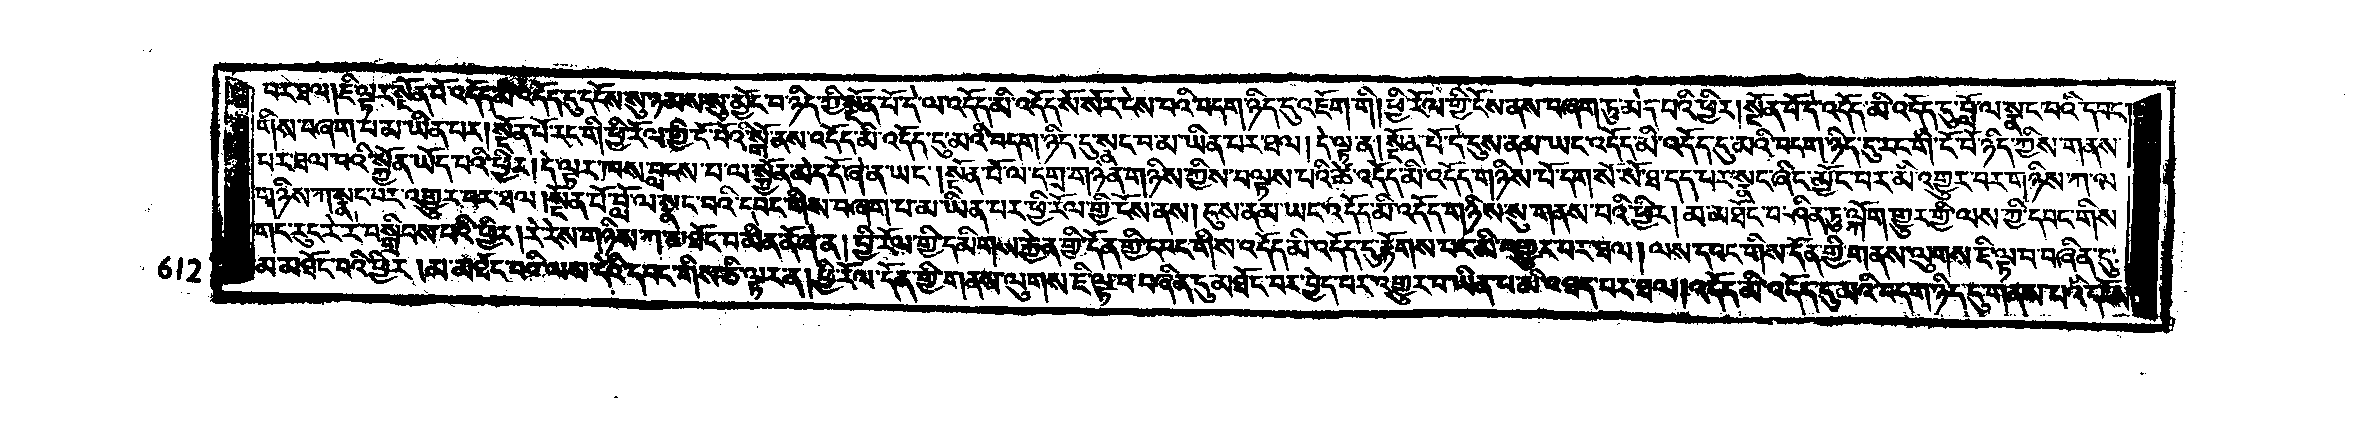པར་ཐལ། ཇི་ལྟར་སྔོན་པོ་འདོད་མི་འདོད་དུ་དངོས་སུ་ཉམས་སུ་མྱོང་བ་ཉིད་ཀྱི་སྔོན་པོ་དེ་ལ་འདོད་མི་འདོད་སོ་སོར་ངེས་པའི་བདག་ཉིད་དུ་འཇོག་གི། ཕྱི་རོལ་གྱི་ངོས་ནས་བཞག་ཏུ་མེད་པའི་ཕྱིར། སྔོན་པོ་དེ་འདོད་མི་འདོད་དུ་བློ་ལ་སྣང་བའི་དབང་
གིས་བཞག་པ་མ་ཡིན་པར། སྔོན་པོ་རང་གི་ཕྱི་རོལ་གྱི་ངོ་བོའི་སྒོ་ནས་འདོད་མི་འདོད་དུ་མའི་བདག་ཉིད་དུ་སྣང་བ་མ་ཡིན་པར་ཐལ། དེ་ལྟ་ན། སྔོན་པོ་དེ་དུས་ནམ་ཡང་འདོད་མི་འདོད་དུ་མའི་བདག་ཉིད་དུ་རང་གི་ངོ་བོ་ཉིད་ཀྱིས་གནས་
པར་ཐལ་བའི་སྐྱོན་ཡོད་པའི་ཕྱིར། དེ་ལྟར་ཁས་བླངས་པ་ལ་སྐྱོན་མེད་དོ་ཞེ་ན་ཡང་། སྔོན་པོ་ལ་དགྲ་གཉེན་གཉིས་ཀྱིས་བལྟས་པའི་ཚེ་འདོད་མི་འདོད་གཉིས་པོ་དག་སོ་སོ་ཐ་དད་པར་སྣང་ཞིང་མྱོང་བར་མི་འགྱུར་བར་གཉིས་ཀ་ལ་
གཉིས་ཀ་སྣང་པར་འགྱུར་བར་ཐལ། སྔོན་པོ་བློ་ལ་སྣང་བའི་དབང་གིས་བཞག་པ་མ་ཡིན་པར་ཕྱི་རོལ་གྱི་ངོས་ནས། དུས་ནམ་ཡང་འདོད་མི་འདོད་གཉིས་སུ་གནས་པའི་ཕྱིར། མ་མཐོང་བ་ཤིན་ཏུ་ལྐོག་གྱུར་གྱི་ལས་ཀྱི་དབང་གིས་
གང་རུང་རེ་རེ་བསྒྲིབས་པའི་ཕྱིར། རེ་རེས་གཉིས་ཀ་མཐོང་བ་མིན་ནོ་ཞེ་ན། ཕྱི་རོལ་གྱི་དམིགས་རྐྱེན་གྱི་དོན་གྱི་དབང་གིས་འདོད་མི་འདོད་དུ་རྟོགས་པར་མི་འགྱུར་བར་ཐལ། ལས་དབང་གིས་དོན་གྱི་གནས་ལུགས་ཇི་ལྟ་བ་བཞིན་དུ་
མ་མཐོང་བའི་ཕྱིར། མ་མཐོང་བའི་ལས་དེའི་དབང་གིས་ཅི་ལྟར་ན། ཕྱི་རོལ་དོན་གྱི་གནས་ལུགས་ཇི་ལྟ་བ་བཞིན་དུ་མཐོང་བར་བྱེད་པར་འགྱུར་བ་ཡིན་པ་མི་འཐད་པར་ཐལ། འདོད་མི་འདོད་དུ་མའི་བདག་ཉིད་དུ་གནས་པའི་དངོས་